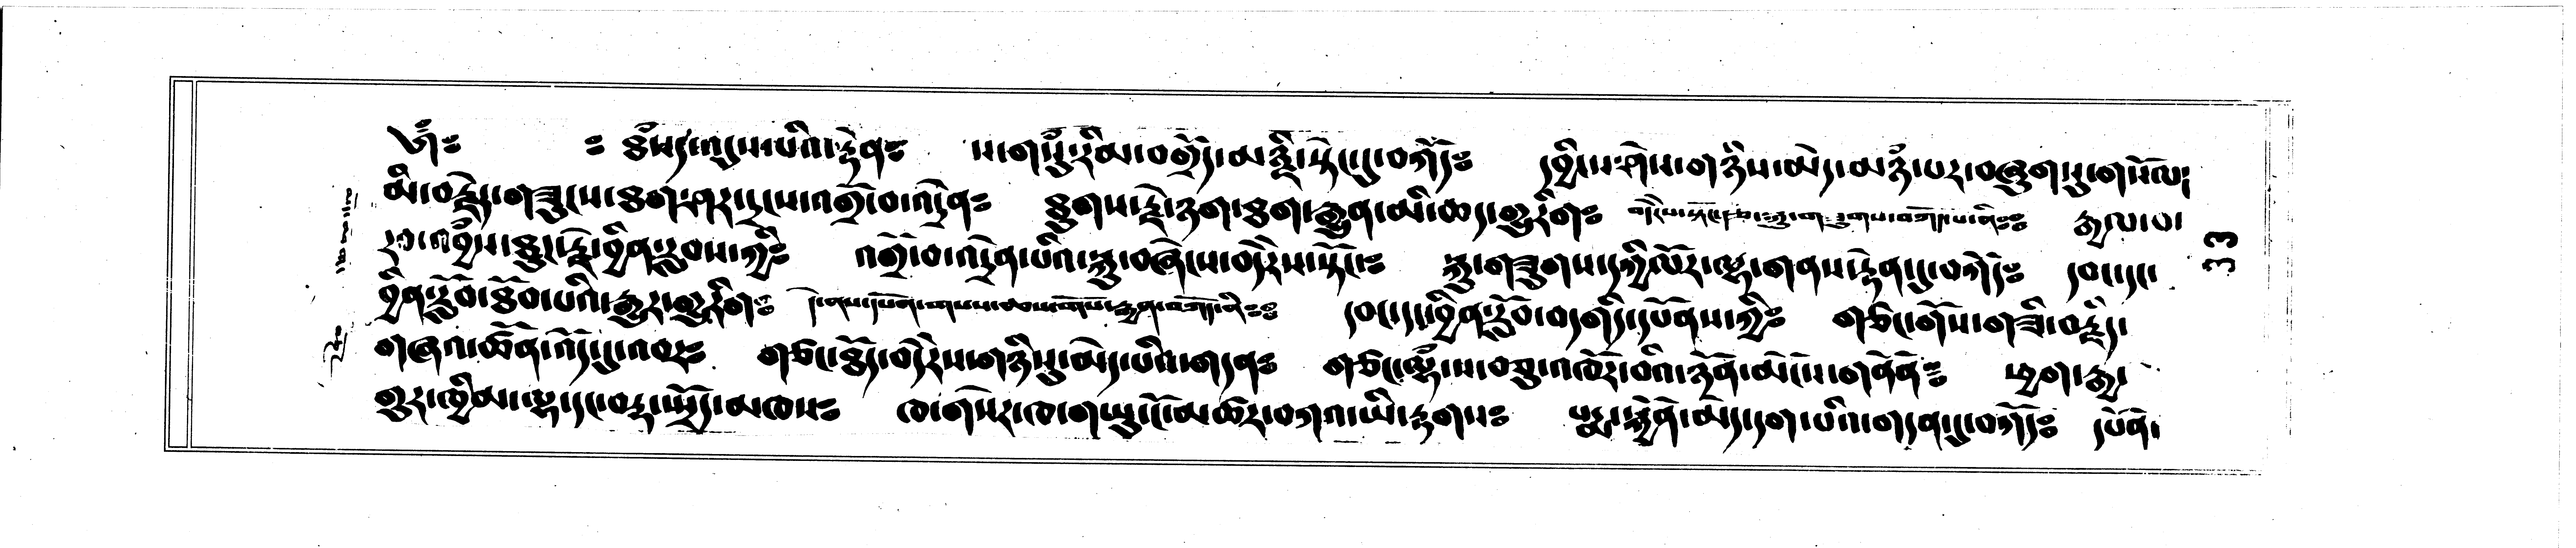ཐམས་ཅད་འདུས་པའི་རྟེནཿ ས་གསུམ་རིམ་བགྲོད་མཉྗི་སྟེང་དུ་བཀོདཿ དབྱིངས་ཤེས་གཉིས་མེད་མཉམ་པར་བཞུགས་སུ་གསོལཿ 
མི་བརྗེད་གཟུངས་ཐག་ཤར་དྲངས་འགྲོ་བ་འདྲེནཿ ཐུགས་རྗེ་ཉག་ཐག་རྒྱུན་མི་འཆད་གྱུར་ཅིགཿ བདེར་གཤེགས་སྟོང་རྩ་སྐུ་གཟུགས་བཀོད་པ་ནིཿ རྒྱལ་བ་
རབ་འབྱམས་ཐུགས་རྗེ་བྱིན་རླབས་ཀྱིཿ འགྲོ་བ་འདྲེན་པའི་སྐུ་བཞེངས་བདེར་གཤེགས་སྟོངཿ སྐུ་གཟུགས་དཀྱིལ་འཁོར་ལྷ་གནས་རྟེན་དུ་བཀོདཿ དབང་དང་
བྱིན་རླབས་ཐོབ་པའི་རྒྱུར་གྱུར་ཅིགཿ དེ་ནས་དཔོན་གསས་ཆས་གོས་རྒྱན་བཀོད་ནིཿ དབང་དང་བྱིན་རླབས་བདག་ཉིད་དཔོན་གསས་ཀྱིཿ གཙང་གོས་གཟི་བརྗིད་
གཞའ་ཚོན་འོད་དུ་འབརཿ གཙང་ཐོད་བདེར་གཤེགས་གཉིས་སུ་མེད་པའི་གདནཿ གཙང་ལྷམ་ས་བཅུ་འཁོར་བའི་ཉོན་མོངས་གནོནཿ ཕྱག་རྒྱ་
གུར་ཁྱིམ་ལྷ་དང་བརྡ་སྤྲོད་མཁའཿ ཁ་གསེར་ཁ་གཡུ་ངོ་མཚར་བཀའ་ཡི་རྟགསཿ པད་མ་སྐྱོན་མེད་དག་པའི་གདན་དུ་བཀོདཿ དཔོན་